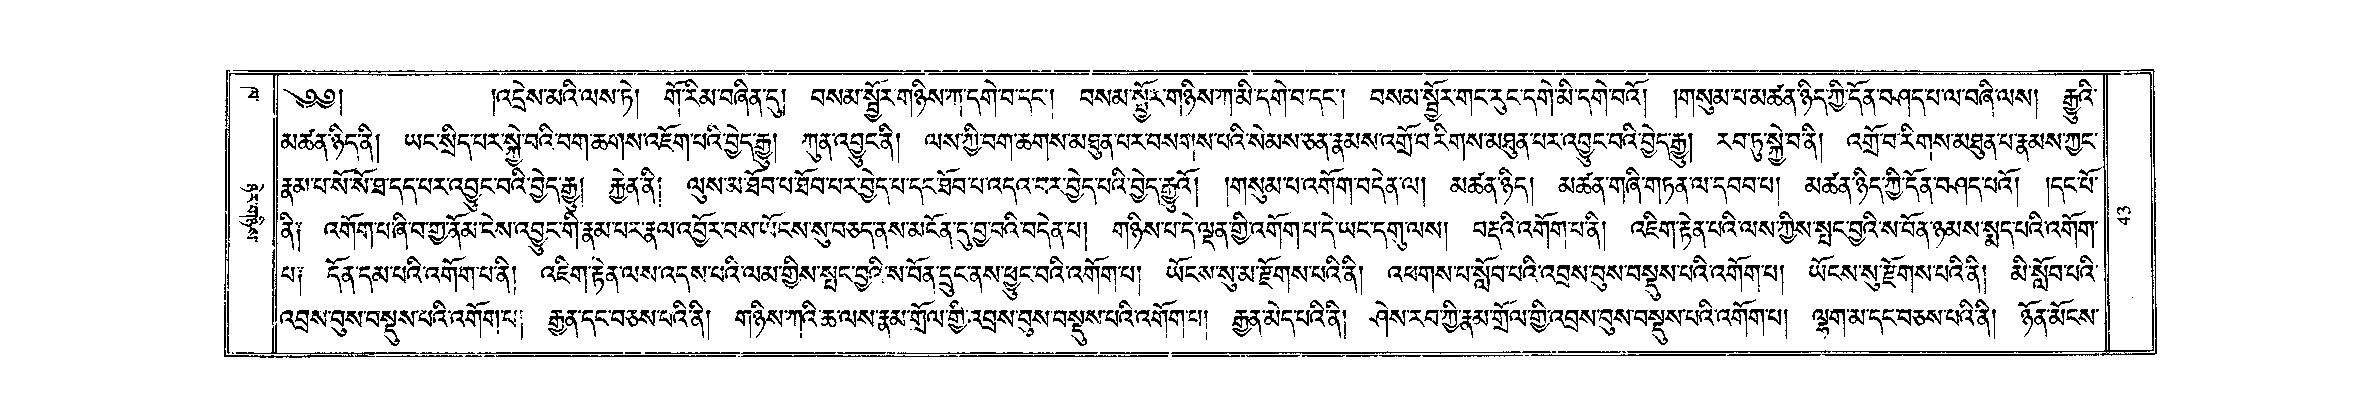༄༅། །འདྲེས་མའི་ལས་ཏེ། གོ་རིམ་བཞིན་དུ། བསམ་སྦྱོར་གཉིས་ཀ་དགེ་བ་དང་། བསམ་སྦྱོར་གཉིས་ཀ་མི་དགེ་བ་དང་། བསམ་སྦྱོར་གང་རུང་དགེ་མི་དགེ་བའོ། །གསུམ་པ་མཚན་ཉིད་ཀྱི་དོན་བཤད་པ་ལ་བཞི་ལས། རྒྱུའི་
མཚན་ཉིད་ནི། ཡང་སྲིད་པར་སྐྱེ་བའི་བག་ཆགས་འཇོག་པའི་བྱེད་རྒྱུ། ཀུན་འབྱུང་ནི། ལས་ཀྱི་བག་ཆགས་མཐུན་པར་བསགས་པའི་སེམས་ཅན་རྣམས་འགྲོ་བ་རིགས་མཐུན་པར་འབྱུང་བའི་བྱེད་རྒྱུ། རབ་ཏུ་སྐྱེ་བ་ནི། འགྲོ་བ་རིགས་མཐུན་པ་རྣམས་ཀྱང་
རྣམ་པ་སོ་སོ་ཐ་དད་པར་འབྱུང་བའི་བྱེད་རྒྱུ། རྐྱེན་ནི། ལུས་མ་ཐོབ་པ་ཐོབ་པར་བྱེད་པ་དང་ཐོབ་པ་འདའ་བར་བྱེད་པའི་བྱེད་རྒྱུའོ། །གསུམ་པ་འགོག་བདེན་ལ། མཚན་ཉིད། མཚན་གཞི་གཏན་ལ་དབབ་པ། མཚན་ཉིད་ཀྱི་དོན་བཤད་པའོ། །དང་པོ་
ནི༑ འགོག་པ་ཞི་བ་གྱ་ནོམ་ངེས་འབྱུང་གི་རྣམ་པར་རྣལ་འབྱོར་བས་ཡོངས་སུ་བཅད་ནས་མངོན་དུ་བྱ་བའི་བདེན་པ། གཉིས་པ་དེ་ལྡན་གྱི་འགོག་པ་དེ་ཡང་དགུ་ལས། བརྡའི་འགོག་པ་ནི། འཇིག་རྟེན་པའི་ལས་ཀྱིས་སྤང་བྱའི་ས་བོན་ཉམས་སྨད་པའི་འགོག་
པ༑ དོན་དམ་པའི་འགོག་པ་ནི། འཇིག་རྟེན་ལས་འདས་པའི་ལམ་གྱིས་སྤང་བྱའི་ས་བོན་དྲུང་ནས་ཕྱུང་བའི་འགོག་པ། ཡོངས་སུ་མ་རྫོགས་པའི་ནི། འཕགས་པ་སློབ་པའི་འབྲས་བུས་བསྡུས་པའི་འགོག་པ། ཡོངས་སུ་རྫོགས་པའི་ནི། མི་སློབ་པའི་
འབྲས་བུས་བསྡུས་པའི་འགོག་པ། རྒྱན་དང་བཅས་པའི་ནི། གཉིས་ཀའི་ཆ་ལས་རྣམ་གྲོལ་གྱི་འབྲས་བུས་བསྡུས་པའི་འགོག་པ། རྒྱན་མེད་པའི་ནི། ཤེས་རབ་ཀྱི་རྣམ་གྲོལ་གྱི་འབྲས་བུས་བསྡུས་པའི་འགོག་པ། ལྷག་མ་དང་བཅས་པའི་ནི། ཉོན་མོངས་